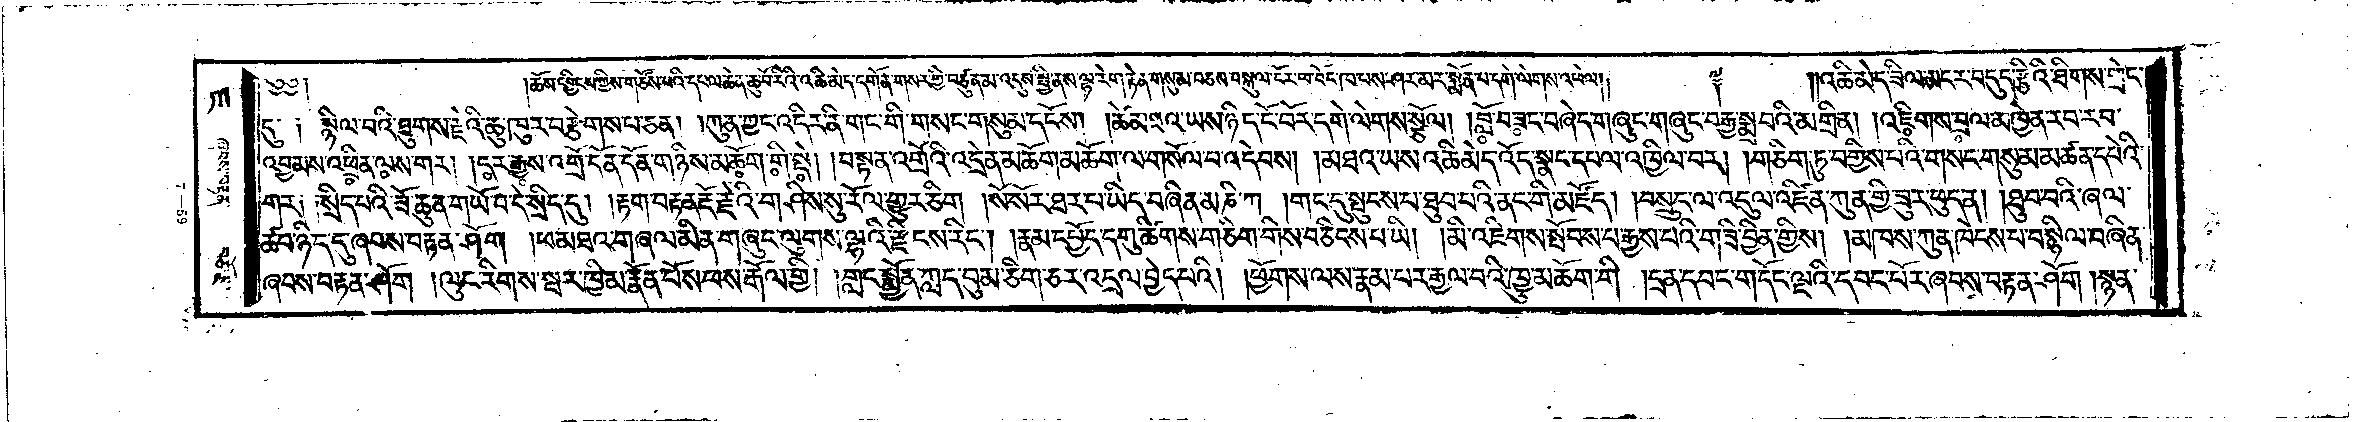༄༅། །ཆོས་དབྱིངས་ཀྱིས་གཙོས་པའི་དཔལ་ཆེན་ཆུ་བོ་རིའི་འཆི་མེད་དགོན་གསར་གྱི་བཙུན་མ་འདུས་སྤྱི་ནས་ལྷ་རེག་རྟེན་གསུམ་བཅས་བསྐུལ་ངོར་ཕ་བོང་ཁ་པས་ཤར་མར་སྨོན་པ་དགེ་ལེགས་འཕེལ།།  ༈ །།འཆི་མེད་ཟིལ་མངར་བདུད་རྩིའི་ཐིགས་ཕྲེང་
དུ༑ ༑སྙིལ་བའི་ཐུགས་རྗེའི་ཆུ་ཁུར་བརྩེགས་པ་ཅན། །ཀུན་ཀྱང་འདིར་ནི་གང་གི་གསང་གསུམ་དངོས། །ཚེ་མཐའ་ཡས་ཉིད་ངོ་བོར་དགེ་ལེགས་སྩོལ། །བློ་བཟང་བཞེད་གཞུང་གཞུང་བརྒྱ་སྨྲ་བའི་མགྲིན། །འཇིགས་བྲལ་མཁྱེན་རབ་རབ་
འབྱམས་འཕྲིན་ལས་གར། །དར་རྒྱས་འགྲོ་དོན་དོན་གཉིས་མཆོག་གི་སྡེ། །བསྟན་འགྲོའི་འདྲེན་མཆོག་མཆོག་ལ་གསོལ་བ་འདེབས། །མཐའ་མས་འཆི་མེད་འོད་སྣང་དཔལ་འཁྱིལ་བར། །གཅིག་ཏུ་བགྱིས་པའི་གསང་གསུམ་མཚན་དཔེའི་
གར། །སྲིད་པའི་ཟོ་ཆུན་གཡོ་བ་དེ་སྲིད་དུ། །རྟག་བརྟན་རྡོ་རྗེའི་གཤིས་སུ་རོལ་གྱུར་ཅིག །སོ་སོར་ཐར་པ་ཡིད་བཞིན་མ་ཎི་ཀ །གང་དུ་སྤུངས་པ་ཐུབ་པའི་ནང་གི་མཛོད། །བསྲུང་ལ་འདུལ་འཛིན་ཀུན་གྱི་ཟུར་ཕུད་ན། །ཐུབ་པའི་ཞལ་
ཚབ་ཉིད་དུ་ཞབས་བརྟན་ཤོག །ཕ་མཐའ་གཞལ་མིན་གཞུང་ལུགས་ལྷའི་རྫིངས་རིང་། །རྣམ་དཔྱོད་དགུ་ཚིག་གཅིག་གིས་བཅིངས་པ་ཡི། །མི་འཇིགས་སྤོབས་བརྒྱས་པའི་གཟི་བྱིན་གྱིས། །མཁས་ཀུན་ཁེངས་པ་བསྟིལ་བཞིན་
ཞབས་བརྟན་ཤོག །ལུང་རིགས་སྦར་ཁྱིམ་རྣོན་པོས་ཕས་རྒོལ་གྱི། །གླང་སྨྱོན་ཀླད་བུམ་ཅིག་ཅར་འདྲལ་བྱེད་པའི། །ཕྱོགས་ལས་རྣམ་པར་རྒྱལ་བའི་ཁྱུ་མཆོག་གི །དྲན་དབང་གདོང་ལྔའི་དབང་པོར་ཞབས་བརྟན་ཤོག །སྙན་